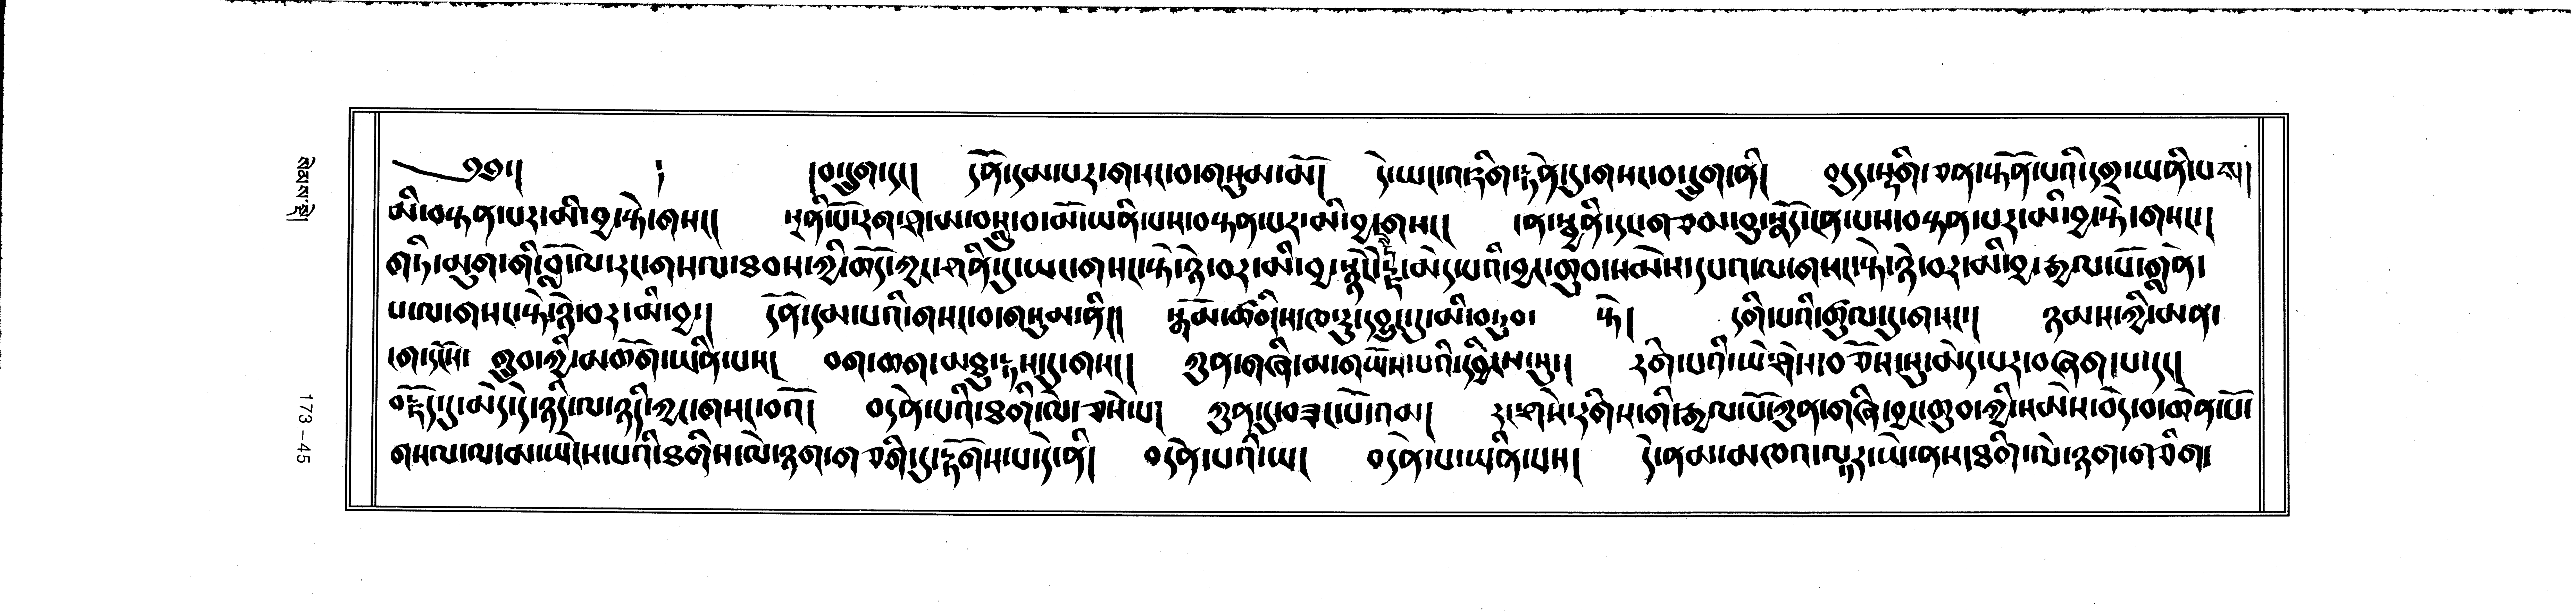བ་དྲུག་དང་། དོན་དམ་པར་གསང་བ་གསུམ་མོ། །དེ་ཡང་འཇིག་རྟེན་དུ་གསང་བ་དྲུག་ནི། བདུད་སྡིག་ཅན་སྟོན་པའི་དགྲ་ཡིན་པས། 
མི་བསྟན་པར་མི་བྱ་སྟེ་གསང་། སྲིན་པོ་རགྴ་མ་བསླུ་བ་མོ་ཡིན་པས་བསྟན་པར་མི་བྱ་སྟེ་གསང་། ངན་སྦྱིན་དང་གཅམ་བུ་སྣོད་ངན་པས་བསྟན་པར་མི་བྱ་སྟེ་གསང་། 
གཏི་མུག་གི་བློ་ལ་རང་གསལ་ཐབས་ཀྱིས་ཆོད་ཀྱང་ཤིན་ཏུ་ཡང་གསང་སྟེ་ཉེ་བར་མི་བྱ། སྙིང་རྗེ་མེད་པའི་བྱང་ཆུབ་སེམས་དཔའ་ལ་གསང་སྟེ་ཉེ་བར་མི་བྱ་རྒྱལ་པོ་གླེན་
པ་ལ་གསང་སྟེ་ཉེ་བར་མི་བྱ། དོན་དམ་པའི་གསང་བ་གསུམ་ནི། སྒོམ་ཚིག་ཁ་རུ་དབྱུང་དུ་མི་བཏུབ་སྟེ། དིག་པའི་ཚུལ་དུ་གསང་། ཉམས་ཀྱི་མན་
ངག་དངོས་གྲུབ་ཀྱི་མཆོག་ཡིན་པས། བག་ཆགས་མཐུ་བརྟས་སུ་གསང་། ཀུན་གི་མ་གཡོས་པའི་དབྱིངས་སུ། རིག་པའི་ཡེ་ཤེས་བཅོས་སུ་མེད་པར་བཞག་པ་དང་། 
བརྗོད་དུ་མེད་དེ་ཉིད་ལ་ཉིད་ཀྱང་གསང་བའོ། །བདེན་པའི་ཐིག་ལེ་ཅེས་པ། ཀུན་ཏུ་བཟང་པོའམ། རང་ཤེས་རིག་རྒྱལ་པོ་ཀུན་གཞི་བྱང་ཆུབ་ཀྱི་སེམས་བདེ་བ་ཆེན་པོ་
གསལ་ལ་མ་ཡེངས་པའི་ཐིག་ལེ་ཉག་གཅིག་ཏུ་རྟོགས་པ་དེ་ནི། བདེན་པི་ཡ། བདེན་པ་ཡིན་པས། དེ་ནམ་མཁའ་ལྟར་ཡེ་ནས་ཐིག་ལེ་ཉག་གཅིག་